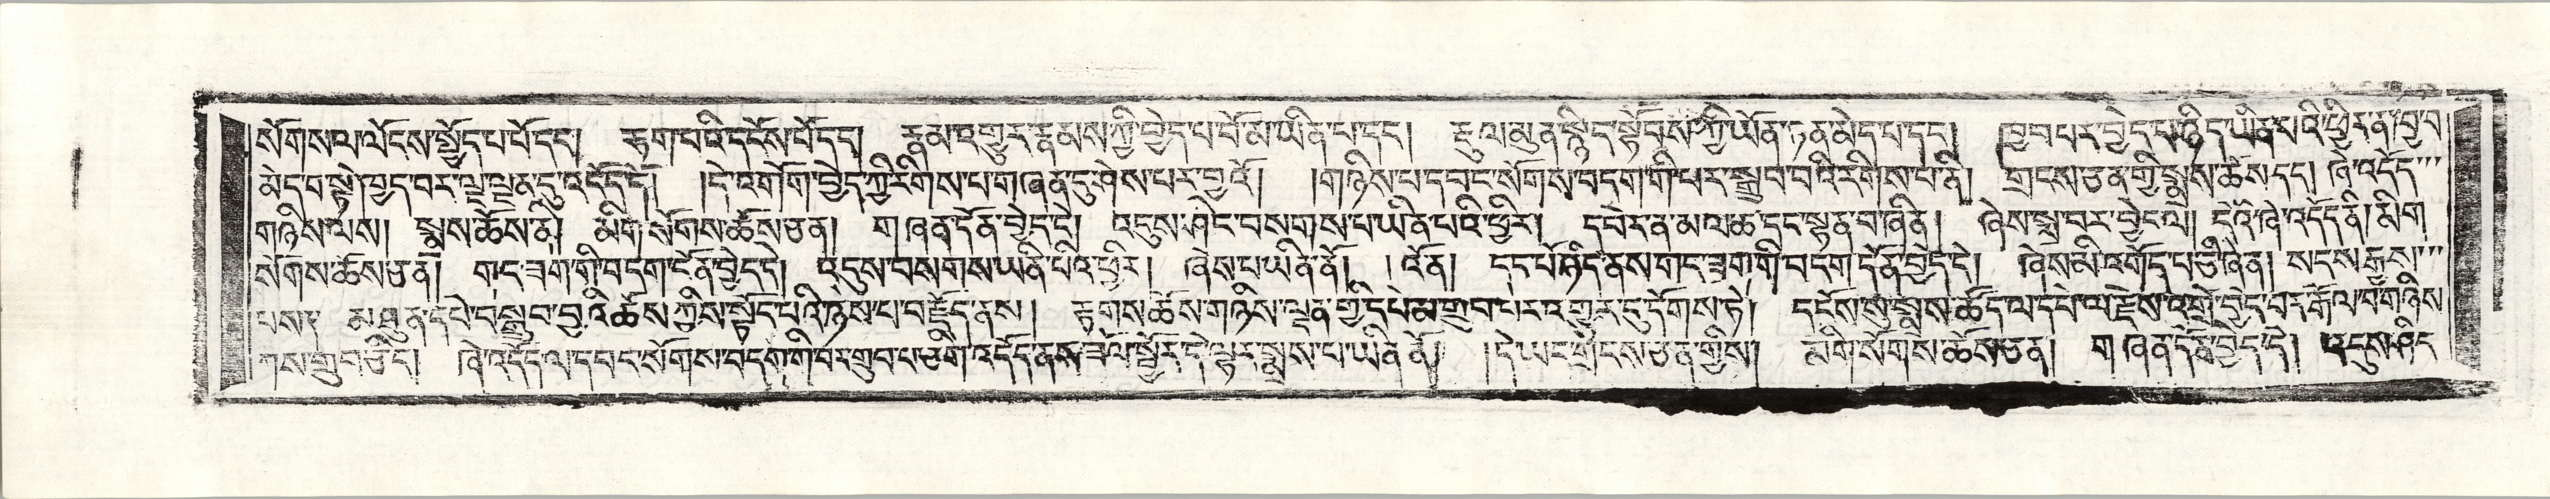སོགས་ལ་ལོངས་སྤྱོད་པ་བོ་དང་། རྟག་པའི་དངོས་པོ་དང་། རྣམ་འགྱུར་རྣམས་ཀྱི་བྱེད་པ་བོ་མ་ཡིན་པ་དང་། རྡུལ་མུན་སྙིང་སྟོབས་ཀྱི་ཡོན་ཏན་མེད་པ་དང་། ཁྱབ་པར་བྱེད་པ་ཉིད་ཡིན་པའི་ཕྱིར་ན་བྱ་བ་
མེད་པ་སྟེ་ཁྱད་བར་ལྔ་ལྡན་དུ་འདོད་དོ། །དེ་འགོག་བྱེད་ཀྱི་རིགས་པ་གཞན་དུ་ཤེས་པར་བྱའོ། །གཉིས་པ་དབང་སོགས་བདག་གི་བར་སྒྲུབ་པའི་རིགས་པ་ནི། གྲངས་ཅན་གྱི་སྨྲས་ཆོས་དང་། ཞེ་འདོད་
གཉིས་ལས། སྨྲས་ཆོས་ནི། མིག་སོགས་ཆོས་ཅན། གཞན་དོན་བྱེད་དེ། འདུས་ཤིང་བསགས་པ་ཡིན་པའི་ཕྱིར། དཔེར་ན་མལ་ཆ་དང་སྟན་བཞིན། ཞེས་སྨྲ་བར་བྱེད་ལ། དེའི་ཞེ་འདོད་ནི། མིག་
སོགས་ཆོས་ཅན། གང་ཟག་གི་བདག་དོན་བྱེད་དེ། འདུས་བསགས་ཡིན་པའི་ཕྱིར། ཞེས་པ་ཡིན་ནོ། །འོ་ན། དང་པོ་ཉིད་ནས་གང་ཟག་གི་བདག་དོན་བྱེད་དེ། ཞེས་མི་འགོད་པ་ཅི་ཞེ་ན། སངས་རྒྱས་
པས། མཐུན་དཔེ་བསྒྲུབ་བྱའི་ཆོས་ཀྱིས་སྟོང་བའི་ཉེས་པ་བརྗོད་ནས། རྟགས་ཆོས་གཉིས་ལྡན་གྱི་དཔེ་མ་གྲུབ་པར་འགྱུར་དུ་དོགས་ཏེ། དངོས་སུ་སྨྲས་ཚོད་ལ་དཔེ་ལ་རྗེས་འགྲོ་བྱེད་པར་རྒོལ་བ་གཉིས་
ཀས་གྲུབ་ཅིང་། ཞེ་འདོད་ལ་དབང་སོགས་བདག་གི་བར་གྲུབ་པ་ཞིག་འདོད་ནས་ཟོལ་སྦྱོར་དེ་ལྟར་སྨྲས་པ་ཡིན་ནོ། །དེ་ཡང་གྲངས་ཅན་གྱིས། མིག་སོགས་ཆོས་ཅན། གཞན་དོན་བྱེད་དེ། འདུས་ཤིང་